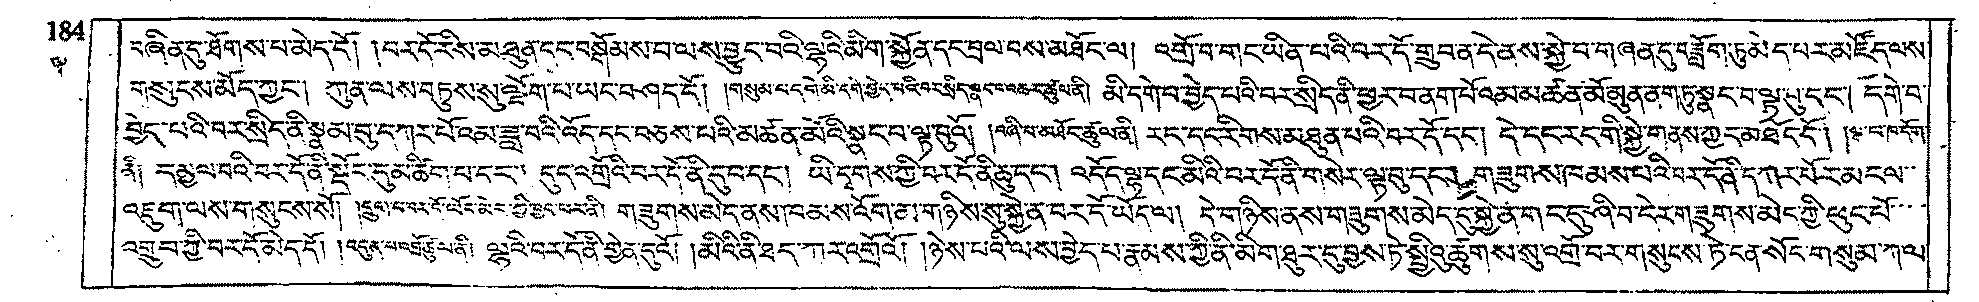བཞིན་དུ་ཐོགས་པ་མེད་དོ། །བར་དོ་རིས་མཐུན་དང་བསྒོམས་པ་ལས་བྱུང་བའི་ལྷའི་མིག་སྐྱོན་དང་བྲལ་བས་མཐོང་ལ། འགྲོ་བ་གང་ཡིན་པའི་བར་དོ་གྲུབ་ན་དེ་ནས་སྐྱེ་བ་གཞན་དུ་བཟློག་ཏུ་མེད་པར་མཛོད་ལས་
གསུངས་མོད་ཀྱང་། །ཀུན་ལས་བཏུས་སུ་ལྡོག་པ་ཡང་བཤད་དོ། ། གསུམ་པ་དགེ་མི་དགེ་བྱེད་པའི་བར་སྲིད་སྣང་བ་འཆར་ཚུལ་ནི།  མི་དགེ་བ་བྱེད་པའི་བར་སྲིད་ནི་ཕྱར་བ་ནག་པོ་འམ་མཚན་མོ་མུན་ནག་ཏུ་སྣང་བ་ལྟ་བུ་དང་། དགེ་བ་
བྱེད་པའི་བར་སྲིད་ནི་སྣམ་བུ་དཀར་པོ་འམ་ཟླ་བའི་འོད་དང་བཅས་པའི་མཚན་མོའི་སྣང་བ་ལྟ་བུའོ། ། བཞི་པ་མཐོང་ཚུལ་ནི། རང་དང་རིགས་མཐུན་པའི་བར་དོ་དང་། དེ་དང་རང་གི་སྐྱེ་གནས་ཀྱང་མཐོང་ངོ། །ལྔ་པ་ཁ་དོག་
ནི༑ དམྱལ་བའི་བར་དོ་ནི་སྡོང་དུམ་ཚིག་པ་དང་། དུད་འགྲོའི་བར་དོ་ནི་དུ་བ་དང་། ཡི་དྭགས་ཀྱི་བར་དོ་ནི་ཆུ་དང་། འདོད་ལྷ་དང་མིའི་བར་དོ་ནི་གསེར་ལྟ་བུ་དང་། གཟུགས་ཁམས་པའི་བར་དོ་ནི་དཀར་པོར་མངལ་
འཇུག་ལས་གསུངས་སོ། ། དྲུག་པ་བར་དོ་ཡོད་མེད་ཀྱི་ཁྱད་པར་ནི།  གཟུགས་མེད་ནས་ཁམས་འོག་མ་གཉིས་སུ་སྐྱེ་ན་བར་དོ་ཡོད་ལ། དེ་གཉིས་ནས་གཟུགས་མེད་དུ་སྐྱེ་ན་གང་དུ་ཤི་བ་དེར་གཟུགས་མེད་ཀྱི་ཕུང་པོ་
འགྲུབ་ཀྱི་བར་དོ་མེད་དོ། ། བདུན་པ་འགྲོ་ཚུལ་ནི།  ལྷའི་བར་དོ་ནི་གྱེན་དུའོ། །མིའི་ནི་ཐད་ཀར་འགྲོའོ། །ཉེས་པའི་ལས་བྱེད་པ་རྣམས་ཀྱི་ནི་མིག་ཐུར་དུ་བྱས་ཏེ་སྤྱིའུ་ཚུགས་སུ་འགྲོ་བར་གསུངས་ཏེ་ངན་སོང་གསུམ་ཀ་ལ་